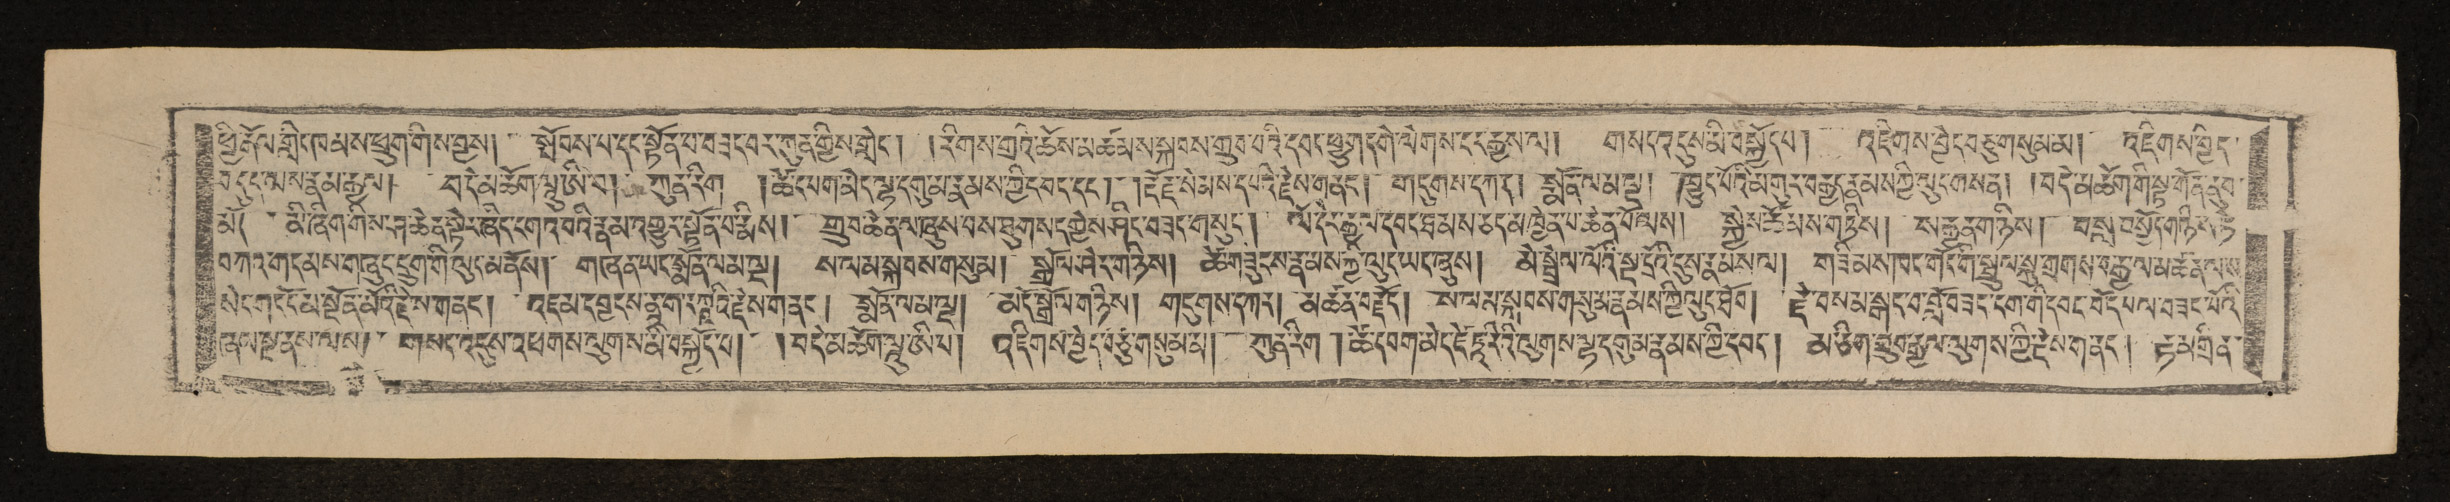ཕྱི་རྒོལ་གླིང་ཁམས་ཕྲུག་གིས་བྱས། སྤོབས་པ་དང་སྟོན་པ་བཟང་བར་ཀུན་གྱིས་གླེང་། རིགས་གྲའི་ཆོས་མཚམས་སྐབས་གྲུབ་པའི་དབང་ཕྱུག་དགེ་ལེགས་དར་རྒྱས་ལ། གསང་འདུས་མི་བསྐྱོད་པ། འཇིགས་བྱེད་བཅུ་གསུམ་མ། འཇིགས་བྱེད་
བདུད་ལས་རྣམ་རྒྱལ། བདེ་མཆོག་ལཱུ་ཨི་པ། ཀུན་རིག །ཚེ་དཔག་མེད་ལྷ་དགུ་མ་རྣམས་ཀྱི་དབང་དང་། རྡོ་རྗེ་སེམས་དཔའི་རྗེས་གནང་། གདུགས་དཀར། སྨོན་ལམ་ལྔ། ཁྱུང་པོའི་མགུར་བརྒྱད་རྣམས་ཀྱི་ལུང་གསན། བདེ་མཆོག་གི་སྟ་གོན་ནུབ་
མོ༑ མི་ཞིག་གིས་ཤ་ཆེན་སྟེར་ཞིང་དགའ་བའི་རྣམ་འགྱུར་སྟོན་པ་རྨིས། གྲུབ་ཆེན་ལ་ཞུས་པས་ཐུགས་དགྱེས་ཤིང་བཟང་གསུང་། ལོ་དེར་རྒྱལ་དབང་ཐམས་ཅད་མཁྱེན་པ་ཆེན་པོ་ལས། སྐྱེས་ཚོམས་གཉིས། ས་རྒྱན་གཉིས། བསླབ་སྦྱོང་གཉིས་ཏེ་
བཀའ་གདམས་གཞུང་དྲུག་གི་ལུང་མནོས། གཞན་ཡང་སྨོན་ལམ་ལྔ། ས་ལམ་སྐབས་གསུམ། སྒྲོལ་ཤེར་གཉིས། ཚེ་གཟུངས་རྣམས་ཀྱི་ལུང་ཡང་ཞུས། མེ་སྤྲེལ་ལོའི་སྔ་དྲོའི་དུས་རྣམས་ལ། གཟིམས་ཁང་གོང་གི་སྤྲུལ་སྐུ་གྲགས་པ་རྒྱལ་མཚན་ལས་
སེང་གདོང་མ་སྔོན་མོའི་རྗེས་གནང་། འཇམ་དབྱངས་ནཱ་ག་རཀྵའི་རྗེས་གནང་། སྨོན་ལམ་ལྔ། མདོ་སྒྲོལ་གཉིས། གདུགས་དཀར། མཚན་བརྗོད། ས་ལམ་སྐབས་གསུམ་རྣམས་ཀྱི་ལུང་ཐོབ། རྗེ་བསམ་སྒང་བ་བློ་བཟང་ངག་གི་དབང་པོ་དཔལ་བཟང་པོའི་
ཞལ་སྔ་ནས་ལས། གསང་འདུས་འཕགས་ལུགས་མི་བསྐྱོད་པ། བདེ་མཆོག་ལཱུ་ཨི་པ། འཇིགས་བྱེད་བཅུ་གསུམ་མ། ཀུན་རིག །ཚེ་དཔག་མེད་ཛེ་ཏཱ་རིའི་ལུགས་ལྷ་དགུ་མ་རྣམས་ཀྱི་དབང་། མ་ཅིག་གྲུབ་རྒྱལ་ལུགས་ཀྱི་རྗེས་གནང་། རྟ་མགྲིན་